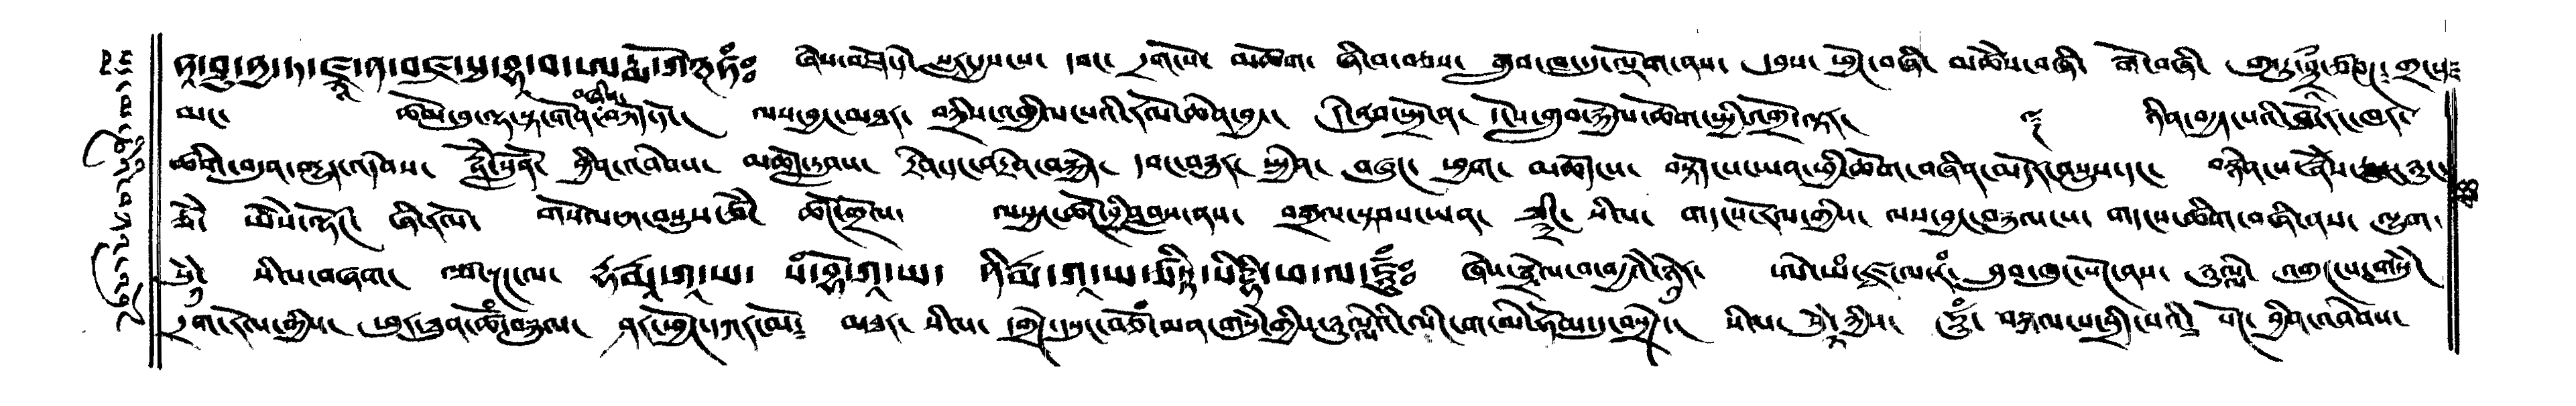ཧཱ་ཤུ་ནྱ་ཏ་ཛྙཱ་ན་བཛྲ་སྭ་བྷ་བ་ཨཏྨ་ཀོ྅་ཧཾཿ ཞེས་བརྗོད་དེ། སླར་རྒྱས་པ། དབང་། དྲག་པོ། མཆོག ཞི་བ་བཅས། སྒྲུབ་ཁང་དུ་ལྡོག་ནས། དབུས། ཕྱོགས་བཞི། མཚམས་བཞི། སྒོ་བཞི། གུ་རུ་ཤྲཱི་ཙཎ་ཌ༴ གྲངས་
མང་། ཚོམ་བུ་ལྷ་སྟ་གོན་བཞིན་དགོད་དོ། ལས་བྱང་མཐར། བཀྲ་ཤིས་འཁྱིལ་པའི་རོལ་ཆེན་བྱ། དེ་ནུབ་སྤྲོ་ན། དངོས་གྲུབ་དཀྱིལ་ཆོག་སྤྱི་འགྲོ་ལྟར། ༈ ཉིན་བརྒྱད་པའི་ཐོ་རངས་ཁར་
ཚིག་བདུན་བརྒྱུད་འདེབས། རྡོ་རྗེ་སློབ་དཔོན། བྱིན་འབེབས། མཆོད་རླབས། རྟེན་དང་བརྟེན་བསྐྱེད། དབང་བསྐུར། སྤྱན་འདྲེན། བཞུགས། ཕྱག མཆོད་པ། བསྟོད་པ་ཡན་ཕྱི་ཆོག་བཞིན་མདོར་བསྡུས་དང་། བསྙེན་པ་རྣམས་ཉུང་
ཙམ། ཡེ་ཤེས་ལྷ་ཚོགས། ཞི་རོལ། གསོལ་ཀ་བསྡུས་ཙམ། ཚོགས་གྲོལ། ལས་བྱང་ཚོགས་བྱིན་རླབས་ནས། བསྒྲལ་བསྟབ་ཡན། ཐིང་། སིལ། གདངས་རོལ་གྱིས། ལས་བྱང་བསྐུལ་པ། གདངས་ཚིག་བཞི་ནས། ལྷུག 
སུམ་གཅིག སིལ། བཞག རྩ་སྔགས་ལ། དྷརྨཱ་ཀཱ་ཡཿ སཾ་བྷོ་ཀཱ་ཡཿ ནིརྨ་ཀཱ་ཡ་ཙིཏྟ་སིདྡྷི་ཕ་ལ་ཧཱུྃཿ ཞེས་སྦྲེལ་བ་བརྒྱའམ་ཉེར་གཅིགཨེ་ཡཾ་ཛྭ་ལ་རཾ། བྲུབ་ཁུང༴ སོགས་ནས། ཉུལླེ། འགུགས་པ་གསུམ། 
དྲག་རོལ་གྱིས། ཕུར་ཐུན་ཚོམ་སྐུལ། ཤར་ཕྱོགས་དཀར་མོ༴ མཐར། སིལ། དགྲ་བགེགས་དཔུང་བཅོམ་མན་གསུམ་གྱིས་ཉུལླེའི་ལིང་ག་མེ་ཧོམ་དུ་སྲེགས། སིལ། སུམ་གཉིས། ཀྱིས། ཧཱུྃ། བསྐལ་པ་སྲིད་པའི༴ སོགས། བྱིན་འབེབས་